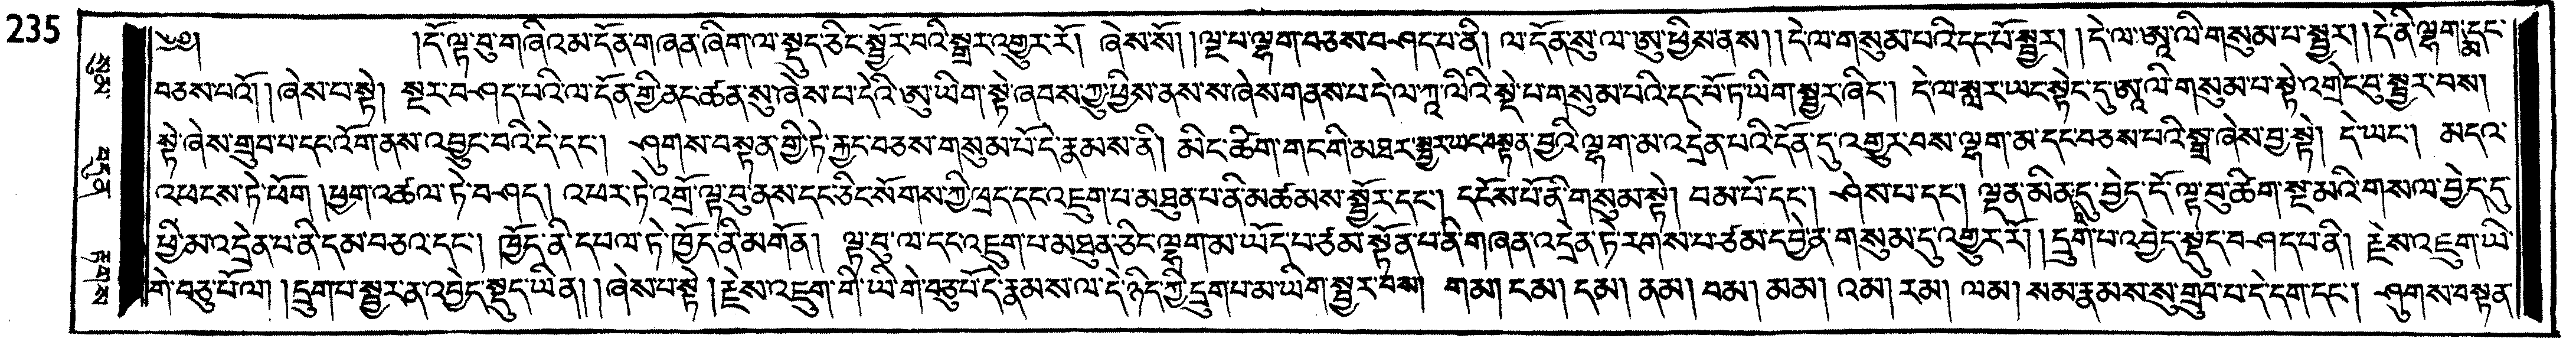༄༅། །དོ་ལྟ་བུ་གཞིའམ་དོན་གཞན་ཞིག་ལ་སྡུད་ཅིང་སྦྱོར་བའི་སྒྲར་འགྱུར་རོ། ཞེས་སོ། །ལྔ་པ་ལྷག་བཅས་བཤད་པ་ནི། ལ་དོན་སུ་ལ་ཨུ་ཕྱིས་ནས། །དེ་ལ་གསུམ་པའི་དང་པོ་སྦྱར། །དེ་ལ་ཨཱ་ལི་གསུམ་པ་སྦྱར། །དེ་ནི་ལྷག་མ་དང་
བཅས་པའོ། །ཞེས་པ་སྟེ། སྔར་བཤད་པའི་ལ་དོན་གྱི་ནང་ཚན་སུ་ཞེས་པ་དེའི་ཨུ་ཡིག་སྟེ་ཞབས་ཀྱུ་ཕྱིས་ནས་ས་ཞེས་གནས་པ་དེ་ལ་ཀཱ་ལིའི་སྡེ་པ་གསུམ་པའི་དང་པོ་ཏ་ཡིག་སྦྱར་ཞིང་། དེ་ལ་སླར་ཡང་སྟེང་དུ་ཨཱ་ལི་གསུམ་པ་སྟེ་འགྲེང་བུ་སྦྱར་བས།
སྟེ་ཞེས་གྲུབ་པ་དང་འོག་ནས་འབྱུང་བའི་དེ་དང་། ཤུགས་བསྟན་གྱི་ཏེ་རྐྱང་བཅས་གསུམ་པོ་དེ་རྣམས་ནི། མིང་ཚིག་གང་གི་མཐར་སྦྱར་ཡང་བསྟན་བྱའི་ལྷག་མ་འདྲེན་པའི་དོན་དུ་འགྱུར་བས་ལྷག་མ་དང་བཅས་པའི་སྒྲ་ཞེས་བྱ་སྟེ། དེ་ཡང་། མདའ་
འཕངས་ཏེ་ཕོག །ཕྱག་འཚལ་ཏེ་བཤད། འཕར་ཏེ་འགྲོ་ལྟ་བུ་ནས་དང་ཅིང་སོགས་ཀྱི་ཕྲད་དང་འཇུག་པ་མཐུན་པ་ནི་མཚམས་སྦྱོར་དང་། དངོས་པོ་ནི་གསུམ་སྟེ། བམ་པོ་དང་། ཤེས་པ་དང་། ལྡན་མིན་འདུ་བྱེད་དོ་ལྟ་བུ་ཚིག་སྔ་མའི་གསལ་བྱེད་དུ་
ཕྱི་མ་འདྲེན་པ་ནི་དམ་བཅའ་དང་། ཁྱོད་ནི་དཔལ་ཏེ་ཁྱོད་ནི་མགོན། ལྟ་བུ་ལ་དང་འཇུག་པ་མཐུན་ཅིང་ལྷག་མ་ཡོད་པ་ཙམ་སྟོན་པ་ནི་གཞན་འདྲེན་ཏེ་རགས་པ་ཙམ་དབྱེ་ན་གསུམ་དུ་འགྱུར་རོ། །དྲུག་པ་འབྱེད་སྡུད་བཤད་པ་ནི། རྗེས་འཇུག་ཡི་
གེ་བཅུ་པོ་ལ། །དྲུག་པ་སྦྱར་ན་འབྱེད་སྡུད་ཡིན། །ཞེས་པ་སྟེ་།རྗེས་འཇུག་གི་ཡི་གེ་བཅུ་པོ་དེ་རྣམས་ལ་དེ་ཉིད་ཀྱི་དྲུག་པ་མ་ཡིག་སྦྱར་བས། གམ། ངམ། དམ། ནམ། བམ། མམ། འམ། རམ། ལམ། སམ་རྣམས་སུ་གྲུབ་པ་དེ་དག་དང་། ཤུགས་བསྟན་